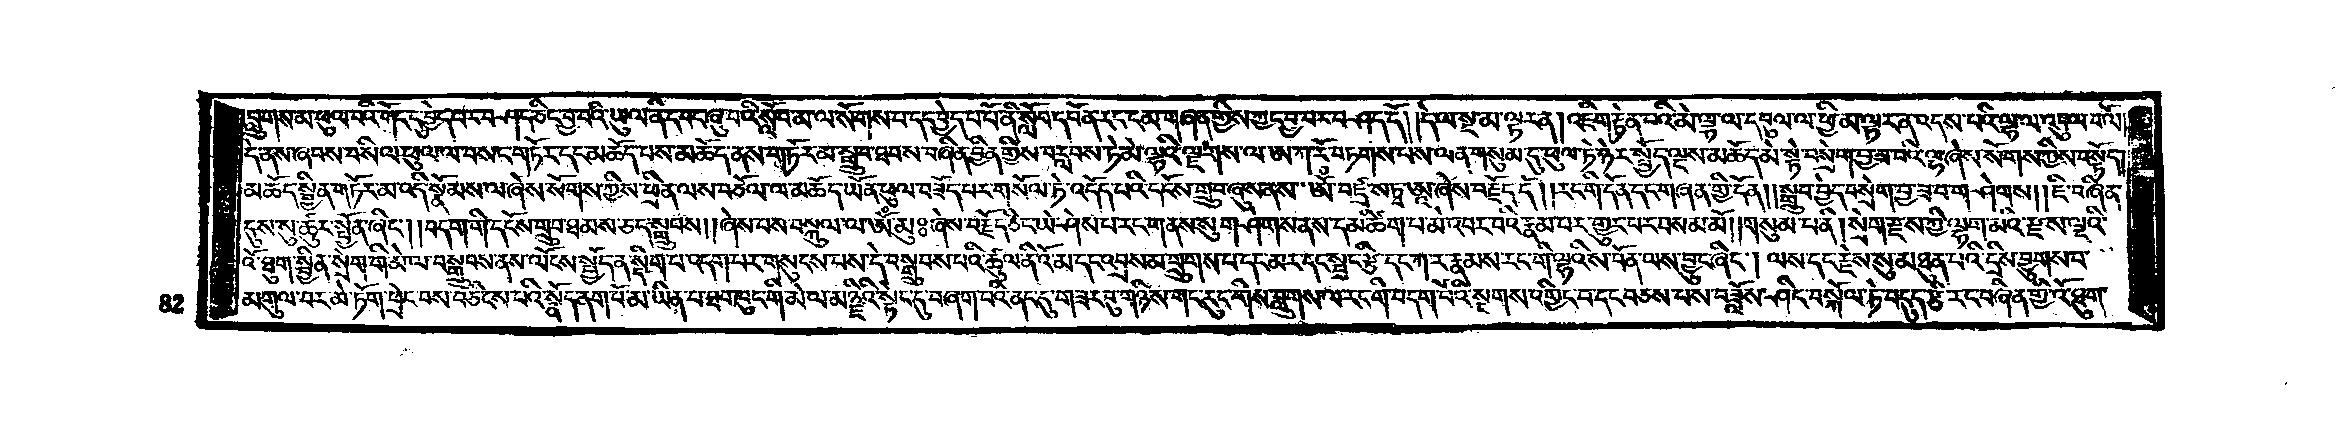བླུགས་མ་ཕུལ་བའི་གོང་དུ་བྱེད་པར་བཤད་ཅིང་བྱ་བའི་ཡུལ་ནི་དབང་ཞུ་བའི་སློབ་མ་ལ་སོགས་པ་དང་བྱེད་པ་པོ་ནི་སློབ་དཔོན་རང་ངམ་གཞན་གྱིས་ཀྱང་བྱ་བར་བཤད་དོ། །དེ་ལ་སྔ་མ་ལྟར་ན། འཇིག་རྟེན་པའི་མེ་ལྷ་ལ་དབུལ་ལ་ཕྱི་མ་ལྟར་ན་འདས་པའི་ལྷ་ལ་འདུལ་བའོ། །
དེ་ནས་ཞབས་བསིལ་ཕུལ་ལ་བསང་གཏོར་དང་མཆོད་པས་མཆོད་ནས་གཏོར་མ་སྒྲུབ་ཐབས་བཞིན་བྱིན་གྱིས་བརླབས་ཏེ་མེ་ལྷའི་ལྗགས་ལ་ཨ་ཀ་རོ་བཏགས་པས་ལན་གསུམ་དུ་ཕུལ་ཏེ་ཉེར་སྤྱོད་ལྔས་མཆོད་མེ་སྟེ་བསྲེག་བྱ་ཟ་བའི་ལྷ་ཞེས་སོགས་ཀྱིས་བསྟོད།
མཆོད་སྦྱིན་གཏོར་མ་འདི་སྣོམས་ལ་ཞེས་སོགས་ཀྱིས་ཕྲིན་ལས་བཅོལ་ལ་མཆོད་ཡོན་ཕུལ་བཟོད་པར་གསོལ་ཏེ་འདོད་པའི་དངོས་གྲུབ་ཞུས་ནས་ཨོཾ་བཛྲ་སྟྭ་ཨཱ་ཞེས་བརྗོད་དོ། །རང་གི་དོན་དང་གཞན་གྱི་དོན། །སྒྲུབ་བྱེད་བསྲེག་བྱ་ཟ་བ་གཤེགས། །ཇི་བཞིན་
དུས་སུ་ཚུར་སྤྱོན་ཞིང་། །བདག་གི་དངོས་གྲུབ་ཐམས་ཅད་སྒྲུབས། །ཞེས་པས་བསྐུལ་ལ་ཨོཾ་མུཿ ཞེས་བརྗོད་ཅིང་ཡེ་ཤེས་པ་རང་གནས་སུ་གཤེགས་ནས་དམ་ཚིག་པ་མེ་འབར་བའི་རྣམ་པར་གྱུར་པར་བསམ་མོ། །གསུམ་པ་ནི། སྲེག་རྫས་ཀྱི་ལྷག་མའི་རྫས་ལྔའི་
འོ་ཐུག་སྦྱིན་སྲེག་གི་མེ་ལ་བསྒྲུབས་ནས་ལོངས་སྤྱོད་ན་སྡིག་པ་འདག་པར་གསུངས་པས་དེ་བསྒྲུབས་པའི་ཚུལ་ནི་འོ་མ་དང་འབྲས་མ་གྲུགས་པ་དང་མར་དང་སྦྲང་རྩི་དང་ཀ་ར་རྣམས་རང་གི་ལྷའི་ས་བོན་ལས་བྱུང་ཞིང་། ལས་དང་རྗེས་སུ་མཐུན་པའི་དྲིས་བྱུགས་པ་
མགུལ་བར་མེ་ཏོག་ཕྲེང་བས་བཅིངས་པའི་སྣོད་ནག་པོ་མ་ཡིན་པ་ཐབ་ཁུང་གི་མེ་ལ་མཉྫིའི་སྟེང་དུ་བཞག་པའི་ནང་དུ་གཟར་བུ་གཉིས་གང་རུང་གིས་བླུགས་ལ་རང་གི་བདག་པོའི་སྔགས་འགྱིང་བ་དང་བཅས་པས་བཟློས་ཤིང་བསྐོལ་ཏེ་བདུད་རྩི་རང་བཞིན་གྱི་འོ་ཐུག་